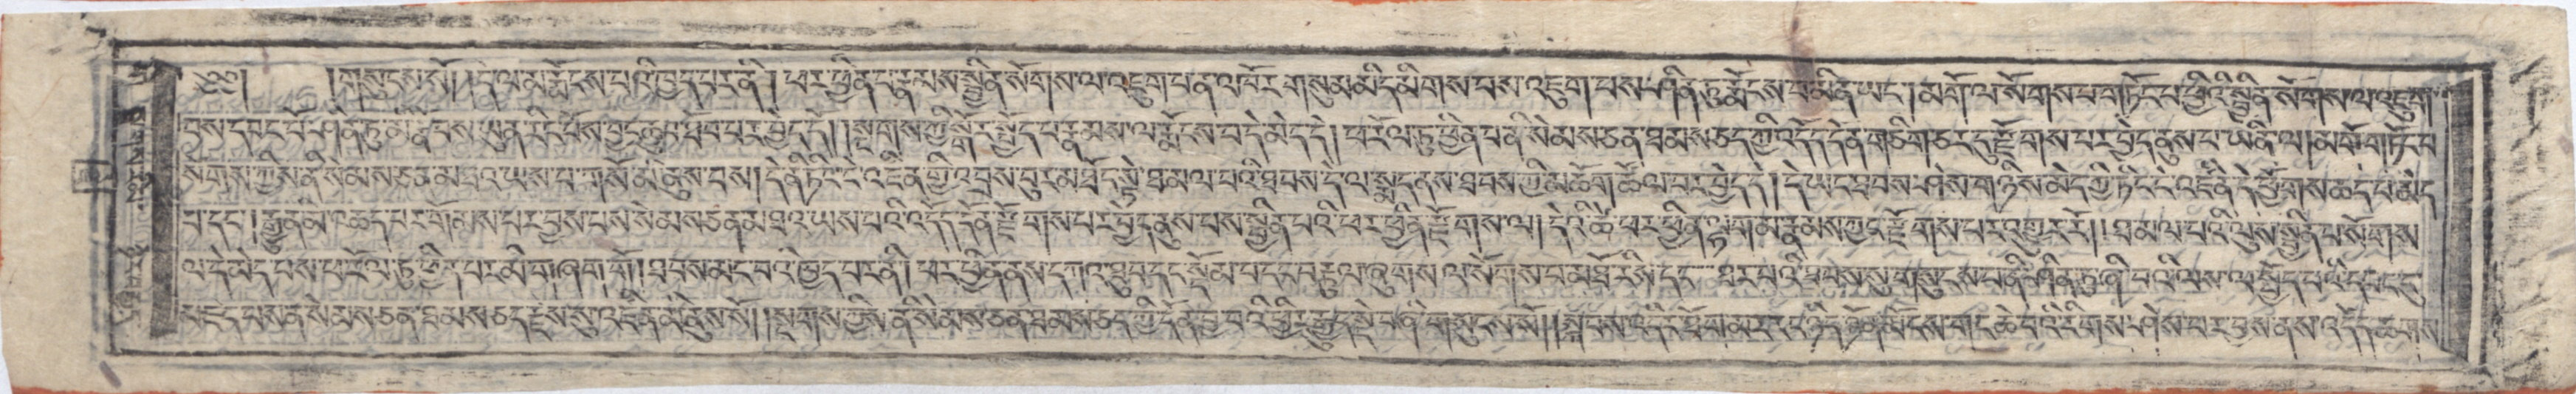༄༅། །གསུངས་སོ། །དེ་ལ་མ་རྨོངས་པའི་ཁྱད་པར་ནི། ཕར་ཕྱིན་པ་རྣམས་སྦྱིན་སོགས་ལ་འཇུག་པ་ན་འཁོར་གསུམ་མི་དམིགས་པས་འཇུག་པས་ཤིན་ཏུ་རྨོངས་པ་མིན་ཡང་། མགོ་ལ་སོགས་པ་གཏོང་པ་ཕྱིའི་སྦྱིན་སོགས་ལ་འཇུག་
པས་དབང་པོ་ཤིན་ཏུ་མི་རྣོ་བས་ཡུན་རིང་པོས་བྱང་ཆུབ་ཐོབ་པར་བྱེད་དོ། །སྔགས་ཀྱི་སྒོར་སྤྱོད་པ་རྣམས་ལ་རྨོངས་པ་དེ་མེད་དེ། ཕ་རོལ་ཏུ་ཕྱིན་པ་ནི་སེམས་ཅན་ཐམས་ཅད་ཀྱི་འདོད་དོན་གཅིག་ཅར་དུ་རྫོགས་པར་བྱེད་ནུས་པ་ཡིན་ལ། མགོ་གཏོང་པ་
སོགས་ཀྱིས་ནི་སེམས་ཅན་མཐའ་ཡས་པ་གསོ་མི་ནུས་པས། དེ་ནི་ཏིང་ངེ་འཛིན་གྱི་འབྲས་བུར་མཐོང་སྟེ་ཐ་མལ་པའི་ཐབས་དེ་ལ་སྨད་ནས་ཐབས་ཀྱི་མཆོག་ཚོལ་བར་བྱེད་དེ། དེ་ཡང་ཐབས་ཤེས་གཉིས་མེད་ཀྱི་ཏིང་ངེ་འཛིན་དེ་ཕྱོགས་ཆད་པ་མེད་
པ་དང་། རྒྱུན་མི་འཆད་པར་གོམས་པར་བྱས་པས་སེམས་ཅན་མཐའ་ཡས་པའི་འདོད་དོན་རྫོགས་པར་བྱེད་ནུས་པས་སྦྱིན་པའི་ཕར་ཕྱིན་རྫོགས་ལ། དེའི་ཚེ་ཕར་ཕྱིན་ལྷག་མ་རྣམས་ཀྱང་རྫོགས་པར་འགྱུར་རོ། །ཐ་མལ་པའི་ལུས་སྦྱིན་པ་སོགས་
ལ་དེ་མེད་པས་ཕ་རོལ་ཏུ་ཕྱིན་པར་མི་གཞག་གོ །ཐབས་མང་བའི་ཁྱད་པར་ནི། ཕར་ཕྱིན་ནས་དཀའ་ཐུབ་དང་སྡོམ་པ་དང་བརྟུལ་ཞུགས་ལ་སོགས་པ་མཐོ་རིས་དང་ཐར་པའི་ཐབས་སུ་གསུངས་པ་ནི་ཤིན་ཏུ་ཞི་བའི་ལས་ལ་སྤྱོད་པའི་དབང་དུ་
མཛད་པས་ན་སེམས་ཅན་ཐམས་ཅད་རྗེས་སུ་འཛིན་མི་ནུས་སོ། །སྔགས་ཀྱིས་ནི་སེམས་ཅན་ཐམས་ཅད་ཀྱི་དོན་བྱ་བའི་ཕྱིར་རྒྱུད་སྡེ་བཞི་གསུངས་སོ། །སྐབས་འདིར་ཐོག་མར་རང་ཉིད་ཉོན་མོངས་གང་ཆེ་བའི་རིགས་ཤེས་པར་བྱས་ནས་འདོད་ཆགས་